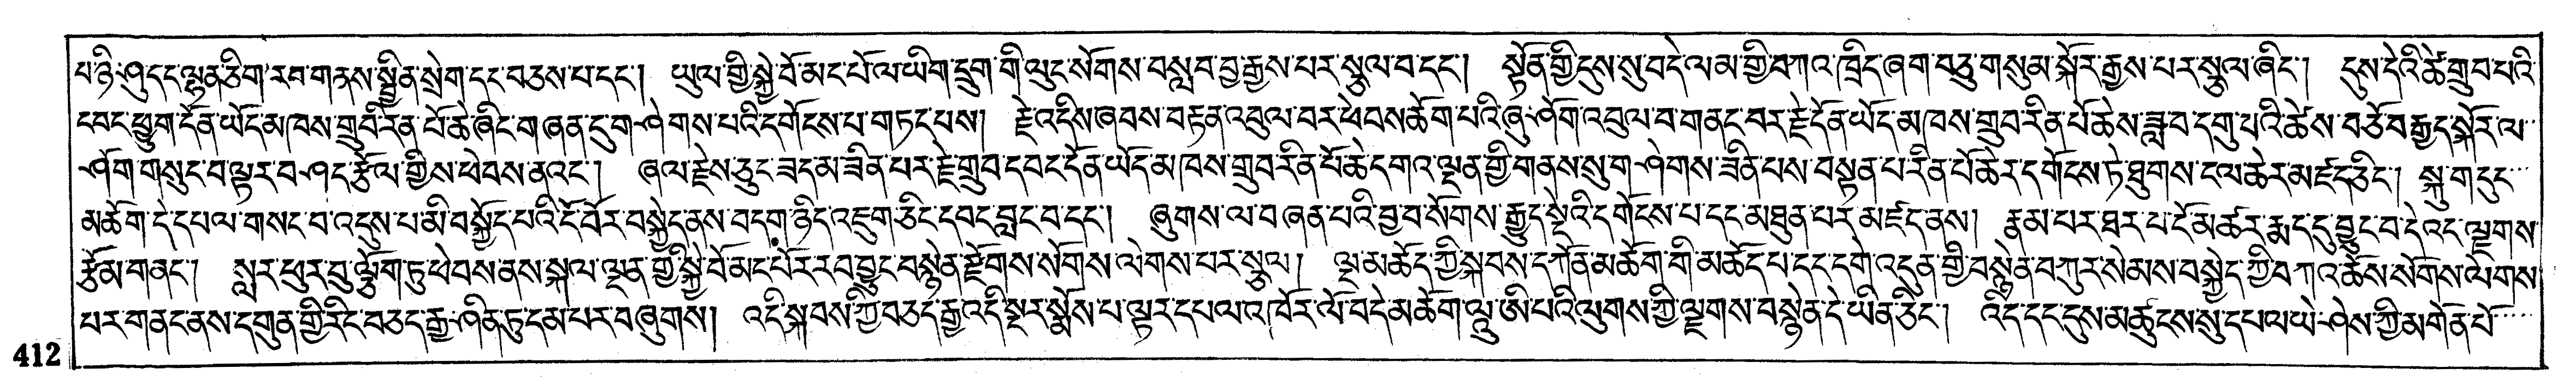བ་ཉི་ཤུ་དང་ལྷན་ཅིག་རབ་གནས་སྦྱིན་སྲེག་དང་བཅས་པ་དང་། ཡུལ་གྱི་སྐྱེ་བོ་མང་པོ་ལ་ཡིག་དྲུག་གི་ལུང་སོགས་བསླབ་བྱ་རྒྱས་པར་སྩལ་བ་དང་། སྟོན་གྱི་དུས་སུ་བདེ་ལམ་གྱི་བཀའ་ཁྲིད་ཞག་བཅུ་གསུམ་སྐོར་རྒྱས་པར་སྩལ་ཞིང་། དུས་དེའི་ཚེ་གྲུབ་པའི་
དབང་ཕྱུག་དོན་ཡོད་མཁས་གྲུབ་རིན་པོ་ཆེ་ཞིང་གཞན་དུ་གཤེགས་པའི་དགོངས་པ་གཏད་པས། རྗེ་འདིས་ཞབས་བརྟན་འབུལ་བར་ཕེབས་ཆོག་བའི་ཞུ་ཤོག་འབུལ་བ་གནང་བར་རྗེ་དོན་ཡོད་མཁས་གྲུབ་རིན་པོ་ཆེས་ཟླ་བ་དགུ་པའི་ཚེས་བཅོ་བརྒྱད་སྐོར་ལ་
ཤོག་གསུང་བ་ལྟར་བཤད་རྩོལ་གྱིས་ཕེབས་ནའང་། ཞལ་རྗེས་ཅུང་ཟད་མ་ཟིན་པར་རྗེ་གྲུབ་དབང་དོན་ཡོད་མཁས་གྲུབ་རིན་པོ་ཆེ་དགའ་ལྡན་གྱི་གནས་སུ་གཤེགས་ཟིན་པས་བསྟན་པ་རིན་པོ་ཆེར་དགོངས་ཏེ་ཐུགས་ངལ་ཆེར་མཛད་ཅིང་། སྐུ་གདུང་
མཆོག་དེ་དཔལ་གསང་བ་འདུས་པ་མི་བསྐྱོད་པའི་ངོ་བོར་བསྐྱེད་ནས་བདག་ཉིད་འཇུག་ཅིང་དབང་བླང་བ་དང་། ཞུགས་ལ་བཞན་པའི་བྱ་བ་སོགས་རྒྱུད་སྡེའི་དགོངས་པ་དང་མཐུན་པར་མཛད་ནས། རྣམ་པར་ཐར་པ་ངོ་མཚར་རྨད་དུ་བྱུང་བ་དེའང་ལྗགས་
རྩོམ་གནང་། སླར་ཕུར་བུ་ལྕོག་ཏུ་ཕེབས་ནས་སྐལ་ལྡན་གྱི་སྐྱེ་བོ་མང་པོར་རབ་བྱུང་བསྙེན་རྫོགས་སོགས་ལེགས་པར་སྩལ། ལྔ་མཆོད་ཀྱི་སྐབས་དཀོན་མཆོག་གི་མཆོད་པ་དང་དགེ་འདུན་གྱི་བསྙེན་བཀུར་སེམས་བསྐྱེད་ཀྱི་བཀའ་ཆོས་སོགས་ལེགས་
པར་གནང་ནས་དགུན་གྱི་རིང་བཅས་རྒྱ་ཤིན་ཏུ་དམ་པར་བཞུགས། འདི་སྐབས་ཀྱི་བཅད་རྒྱ་འདི་སྔར་སྨོས་པ་ལྟར་དཔལ་འཁོར་ལོ་བདེ་མཆོག་ལཱུ་ཨི་པའི་ལུགས་ཀྱི་ལྗགས་བསྙེན་དེ་ཡིན་ཅིང་། འདི་དང་དུས་མཚུངས་སུ་དཔལ་ཡེ་ཤེས་ཀྱི་མགོན་པོ་